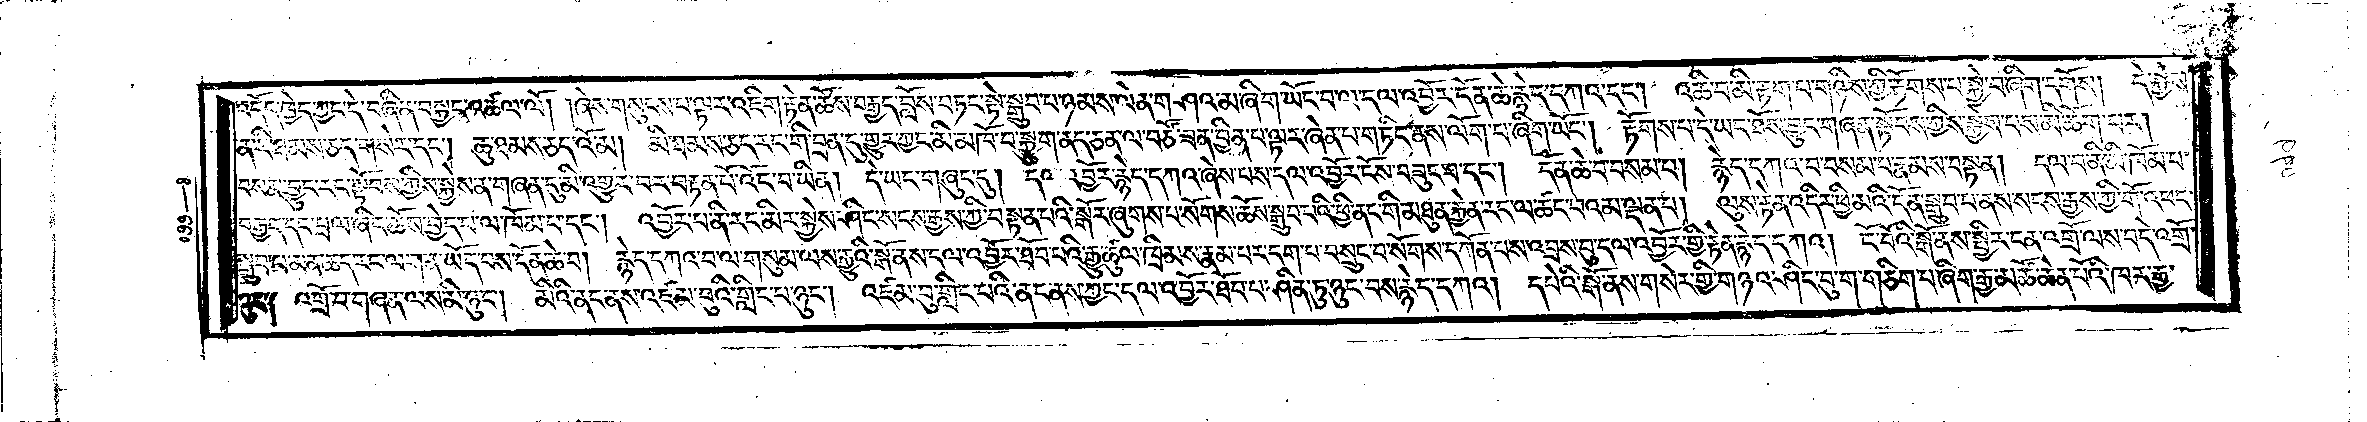འདོད་ཁྱེད་ཀྱང་དེ་བཞིན་བསྐྱང་འཚལ་ལོ། །ཞེས་གསུངས་པ་ལྟར་འཇིག་རྟེན་ཆོས་བརྒྱད་བློས་བཏང་སྟེ་སྒྲུབ་པ་ཉམས་ལེན་གཤའ་མ་ཞིག་ཡོང་བ་ལ་དལ་འབྱོར་དོན་ཆེ་རྙེད་དཀའ་དང་། འཆི་བ་མི་རྟག་པ་གཉིས་ཀྱི་རྟོགས་པ་སྐྱེ་བ་ཞིག་དགོས། དེ་སྐྱེས་
ན་རི་ཐམས་ཅད་གསེར་དང་། ཆུ་ཐམས་ཅད་འོ་མ། མི་ཐམས་ཅད་རང་གི་བྲན་དུ་གྱུར་ཀྱང་མི་མཁོ་བ་སྐྱུག་ནད་ཅན་ལ་བཙོ་ཟན་བྱིན་པ་ལྟར་ཞེན་པ་གཏིང་ནས་ལོག་པ་ཞིག་ཡོང་། རྟོགས་པ་དེ་ཡང་ཐོས་བྱུང་གཞན་སྟོབས་ཀྱིས་སྐྱེས་པས་མི་ཆོག་པར།
བསམ་བྱུང་རང་སྟོབས་ཀྱིས་སྐྱེས་ན་གཞན་དུ་མི་འགྱུར་བར་བརྟན་པོ་འོང་བ་ཡིན། དེ་ཡང་གཞུང་དུ། དལ་འབྱོར་རྙེད་དཀའ་ཞེས་པས་དལ་འབྱོར་ངོས་བཟུང་བ་དང་། དོན་ཆེ་བ་བསམ་པ། རྙེད་དཀའ་བ་བསམ་པ་རྣམས་བསྟན། དལ་བ་ནི་མི་ཁོམ་པ་
བརྒྱད་དང་བྲལ་ཞིང་ཆོས་བྱེད་པ་ལ་ཁོམ་པ་དང་། འབྱོར་པ་ནི་རང་མིར་སྐྱེས་ཤིང་སངས་རྒྱས་ཀྱི་བསྟན་པའི་སྒོར་ཞུགས་པ་སོགས་ཆོས་སྒྲུབ་པའི་ཕྱི་ནང་གི་མཐུན་རྐྱེན་རང་ལ་ཚང་བའམ་ལྡན་པ། ལུས་རྟེན་འདིར་ཕྱི་མའི་དོན་སྒྲུབ་པ་ནས་སངས་རྒྱས་ཀྱི་གོ་འཕང་
སྒྲུབ་པ་མན་ཆད་རང་ལག་ན་ཡོད་པས་དོན་ཆེ་བ། རྙེད་དཀའ་བ་ལ་གསུམ་ལས་རྒྱུའི་སྒོ་ནས་དལ་འབྱོར་ཐོབ་པའི་རྒྱུ་ཚུལ་ཁྲིམས་རྣམ་པར་དག་པ་བསྲུང་བ་སོགས་དཀོན་པས་འབྲས་བུ་དལ་འབྱོར་གྱི་རྟེན་རྙེད་དཀའ། ངོ་བོའི་སྒོ་ནས་སྤྱིར་ངན་འགྲོ་ལས་བདེ་འགྲོ་
ཉུང༑ འགྲོ་བ་གཞན་ལས་མི་ཉུང་། མིའི་ནང་ནས་འཛམ་བུའི་གླིང་པ་ཉུང་། འཛམ་བུ་གླིང་པའི་ནང་ནས་ཀྱང་དལ་འབྱོར་ཐོབ་པ་ཤིན་ཏུ་ཉུང་བས་རྙེད་དཀའ། དཔེའི་སྒོ་ནས་གསེར་གྱི་གཉའ་ཤིང་བུ་ག་གཅིག་པ་ཞིག་རྒྱ་མཚོ་ཆེན་པོའི་ཁར་རྒྱ་